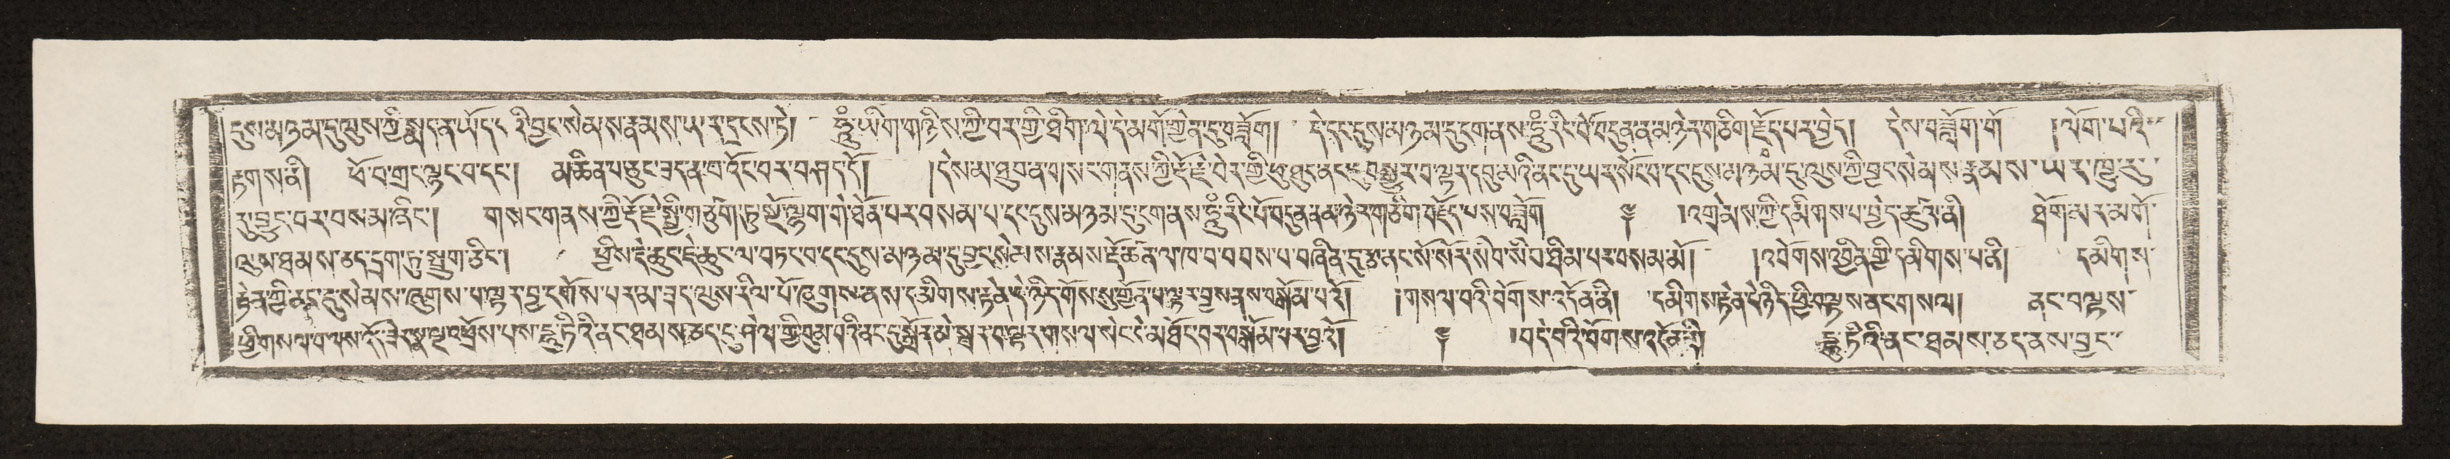དུས་མཉམ་དུ་ལུས་ཀྱི་སྨད་ན་ཡོད་བའི་བྱང་སེམས་རྣམས་པར་དྲངས་ཏེ། ཧཱུཾ་ཡིག་གཉིས་ཀྱི་བར་གྱི་ཐིག་ལེ་དེ་མགོ་གྱེན་དུ་བཟློག། དེ་དང་དུས་མཉམ་དུ་ངག་ནས་ཧཱུཾ་རིང་བོ་བདུན་ནས་ཉེར་གཅིག་རྗོད་བར་བྱེད། དེས་བཟློག་གོ །ལོག་པའི་
རྟགས་ནི། ཕོ་བ་གྲང་ལྷང་བ་དང་། མཆིན་བ་ཅུང་ཟད་ན་བ་འོང་བར་བཤད་དོ། །དེས་མ་ཐུབ་ན་གསང་གནས་ཀྱི་རྡོ་རྗེ་བེར་གྱི་ཕུ་ཐུང་ནང་དུ་བསྒྱུར་བ་ལྟར་དབུ་མའི་ནང་དུ་ཡར་སོང་བ་དང་དུས་མཉམ་དུ་ལུས་ཀྱི་བྱང་སེམས་རྣམས་ཡར་ཁྱུ་རུ་
རུ་བྱུང་བར་བསམ་ཞིང་། གསང་གནས་ཀྱི་རྡོ་རྗེ་སྤྱི་གཙུག་ཏུ་སྔོ་ལྷག་གེ་ཐོན་བར་བསམ་པ་དང་དུས་མཉམ་དུ་ངག་ནས་ཧཱུཾ་རིང་པོ་བདུན་ནས་ཉེར་གཅིག་བརྗོད་བས་བཟློག ༈ །འགྲེམས་ཀྱི་དམིགས་བ་བྱེད་ཚུལ་ནི། ཐོག་ལར་མགོ་
ལུས་ཐམས་ཅད་དྲག་ཏུ་སྤྲུག་ཅིང་། ཕྱིས་ཇེ་ཆུང་ཇེ་ཆུང་ལ་བཏང་བ་དང་དུས་མཉམ་དུ་བྱང་སེམས་རྣམས་རྡོ་ཚན་ལ་ཁ་བ་བབས་པ་བཞིན་དུ་རྩ་ནང་སོ་སོར་སིབ་སིབ་ཐིམ་བར་བསམ་མོ། །བོགས་འབྱིན་གྱི་དམིགས་པ་ནི། དམིགས་
རྟེན་གྱི་ནང་དུ་སེམས་ཞུགས་པ་ལྟར་བྱ་དགོས་བར་མ་ཟད་ལུས་རིལ་བོ་ཞུགས་ནས་དམིགས་རྟེན་དེ་ཉིད་གོས་སུ་གྱོན་པ་ལྟར་བྱས་ནས་བསྒོམ་བའོ། །གསལ་བའི་བོགས་འདོན་ནི། དམིགས་རྟེན་དེ་ཉིད་ཕྱི་བལྟས་ནང་གསལ། ནང་བལྟས་
ཕྱི་གསལ་བ་ལས་འོད་ཟེར་སྣ་ལྔ་འཕྲོས་པས་དྷུ་ཏིའི་ནང་ཐམས་ཅད་དུ་ཤེལ་གྱི་བུམ་པའི་ནང་དུ་སྒྲོན་མེ་སྤར་བ་ལྟར་གསལ་སེང་ངེ་མཐོང་བར་བསྒོམ་བར་བྱའོ། ༈ །བདེ་བའི་བོགས་འདོན་ནི། དྷུ་ཏིའི་ནང་ཐམས་ཅད་ནས་བྱང་